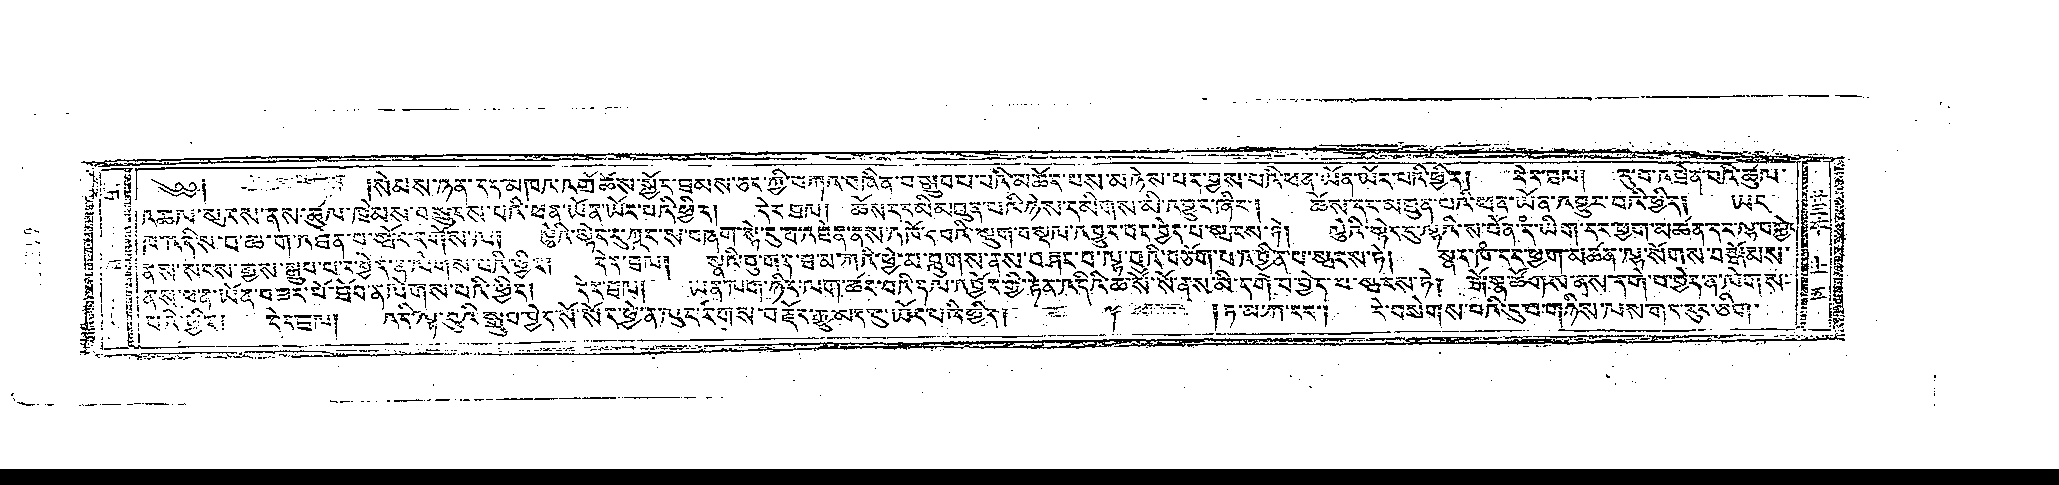༄༅། །སེམས་ཉན་རང་མཁའ་འགྲོ་ཆོས་སྐྱོང་ཐམས་ཅད་ཀྱི་བཀའ་བཞིན་བསྒྲུབ་པ་པའི་མཆོད་པས་མ་ཉེས་པར་བྱས་པའི་ཕན་ཡོན་ཡོད་པའི་ཕྱིར། དེར་ཐལ། དུ་བ་འཐེན་པའི་ཚུལ་
འཆལ་སྤངས་ནས་ཚུལ་ཁྲིམས་བསྲུངས་པའི་ཕན་ཡོན་ཡོད་པའི་ཕྱིར། དེར་ཐལ། །ཆོས་དང་མི་མཐུན་པའི་ཉེས་དམིགས་མི་འབྱུང་ཞིང་། ཆོས་དང་མཐུན་པའི་ཕན་ཡོན་འབྱུང་བའི་ཕྱིར། ཡང་
ཁ་འདིས་བ་ཆ་ག་འཐེན་པ་སྤོང་དགོས་ལ། ལྕེའི་སྟེང་དུ་ཀའང་ས་བཞག་སྟེ་དུ་བ་འཐེན་ནས་འཁོར་བའི་སྡུག་བསྔལ་འབྱུང་བར་བྱེད་པ་སྤངས་ཏེ། ལྕེའི་སྟེང་དུ་ལྷའི་ས་བོན་དཾ་ཡིག་དང་ཕྱག་མཚན་དང་ལྷ་བསྐྱེད་
ནས་སངས་རྒྱས་སྒྲུབ་པར་བྱེད་ན་ལེགས་པའི་ཕྱིར། དེར་ཐལ། སྣའི་བུ་གར་ཐ་མ་ཀའི་ཕྱེ་མ་བླུགས་ནས་བཤད་པ་ལྟ་བུའི་བཅོག་པ་འབྱིན་པ་སྤངས་ཏེ། སྣད་ཁཾ་དང་ཕྱག་མཚན་ལྷ་སོགས་བསྒོམས་
ནས་ཕན་ཡོན་བཟང་པོ་ཐོབ་ན་ལེགས་པའི་ཕྱིར། དེར་ཐལ། ཡན་ལག་ཉིད་ལག་ཚད་བའི་ངལ་འབྱོར་གྱི་རྟེན་འདིའི་ཆ་སོ་སོ་ནས་མི་དགེ་བ་བྱེད་པ་སྤངས་ཏེ། སྒོ་སྣ་ཚོགས་ནས་དགེ་བ་བྱེད་ན་ལེགས་
པའི་ཕྱིར། དེར་ཐལ། འདི་ལྟ་བུའི་སྒྲུབ་བྱེད་སོ་སོར་ཕྱེ་ན་ལུང་རིགས་བརྗོད་རྒྱུ་མེད་དུ་ཡོད་པའི་ཕྱིར། ༈ །ཏ་མ་ཀ་དང་། དེ་བསྲེགས་པའི་དུ་བ་གཉིས་ལས་གང་རུང་ཅིག་